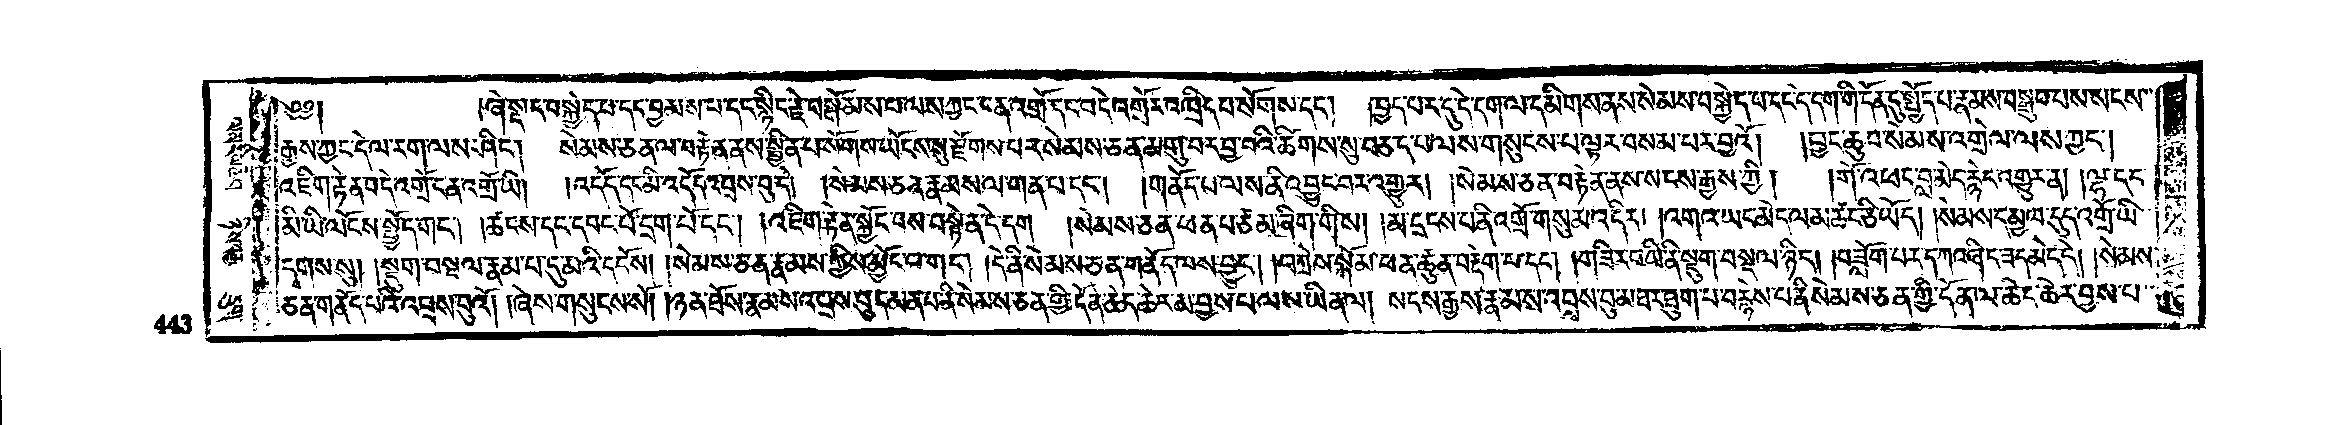༄༅། །ཞེ་སྡང་བསྐྱེད་པ་དང་བྱམས་པ་དང་སྙིང་རྗེ་བསྒོམས་པ་ལས་ཀྱང་ངན་འགྲོ་དང་བདེ་འགྲོར་འཁྲིད་པ་སོགས་དང་། ཁྱད་པར་དུ་དེ་དག་ལ་དམིགས་ནས་སེམས་བསྐྱེད་པ་དང་དེ་དག་གི་དོན་དུ་སྤྱོད་པ་རྣམས་བསྒྲུབ་པས་སངས་
རྒྱས་ཀྱང་དེ་ལ་རག་ལས་ཤིང་། སེམས་ཅན་ལ་བརྟེན་ནས་སྦྱིན་པ་སོགས་ཡོངས་སུ་རྫོགས་པར་སེམས་ཅན་མགུ་བར་བྱ་བའི་ཚིགས་སུ་བཅད་པ་ལས་གསུངས་པ་ལྟར་བསམ་པར་བྱའོ། །བྱང་ཆུབ་སེམས་འགྲེལ་ལས་ཀྱང་།
འཇིག་རྟེན་བདེ་འགྲོ་ངན་འགྲོ་ཡི། །འདོད་དང་མི་འདོད་འབྲས་བུ་དེ། །སེམས་ཅན་རྣམས་ལ་ཕན་པ་དང་། །གནོད་པ་ལས་ནི་འབྱུང་བར་འགྱུར། །སེམས་ཅན་བརྟེན་ནས་སངས་རྒྱས་ཀྱི། །གོ་འཕང་བླ་མེད་རྙེད་འགྱུར་ན། །ལྷ་དང་
མི་ཡི་ལོངས་སྤྱོད་གང་། །ཚངས་དང་དབང་པོ་དྲག་པོ་དང་། །འཇིག་རྟེན་སྐྱོང་བས་བསྟེན་དེ་དག །སེམས་ཅན་ཕན་པ་ཙམ་ཞིག་གིས། །མ་དྲངས་པ་ནི་འགྲོ་གསུམ་འདིར། །འགའ་ཡང་མེད་ལ་མཚར་ཅི་ཡོད། །སེམས་དམྱལ་དུད་འགྲོ་ཡི་
དྭགས་སུ། །སྡུག་བསྔལ་རྣམ་པ་དུ་མའི་དངོས། །སེམས་ཅན་རྣམས་ཀྱིས་མྱོང་བ་གང་། །དེ་ནི་སེམས་ཅན་གནོད་ལས་བྱུང་། །བཀྲེས་སྐོམ་ཕན་ཚུན་བརྡེག་པ་དང་། །གཟིར་བ་ཡི་ནི་སྡུག་བསྔལ་ཉིད། །བཟློག་པར་དཀའ་ཞིང་ཟད་མེད་དེ། །སེམས་
ཅན་གནོད་པའི་འབྲས་བུའོ། །ཞེས་གསུངས་སོ། །ཉན་ཐོས་རྣམས་འབྲས་བུ་དམན་པ་ནི་སེམས་ཅན་གྱི་དོན་ཆེད་ཆེར་མ་བྱས་པ་ལས་ཡིན་ལ། སངས་རྒྱས་རྣམས་འབྲས་བུ་མཐར་ཐུག་པ་བརྙེས་པ་ནི་སེམས་ཅན་གྱི་དོན་ལ་ཆེད་ཆེར་བྱས་པ་